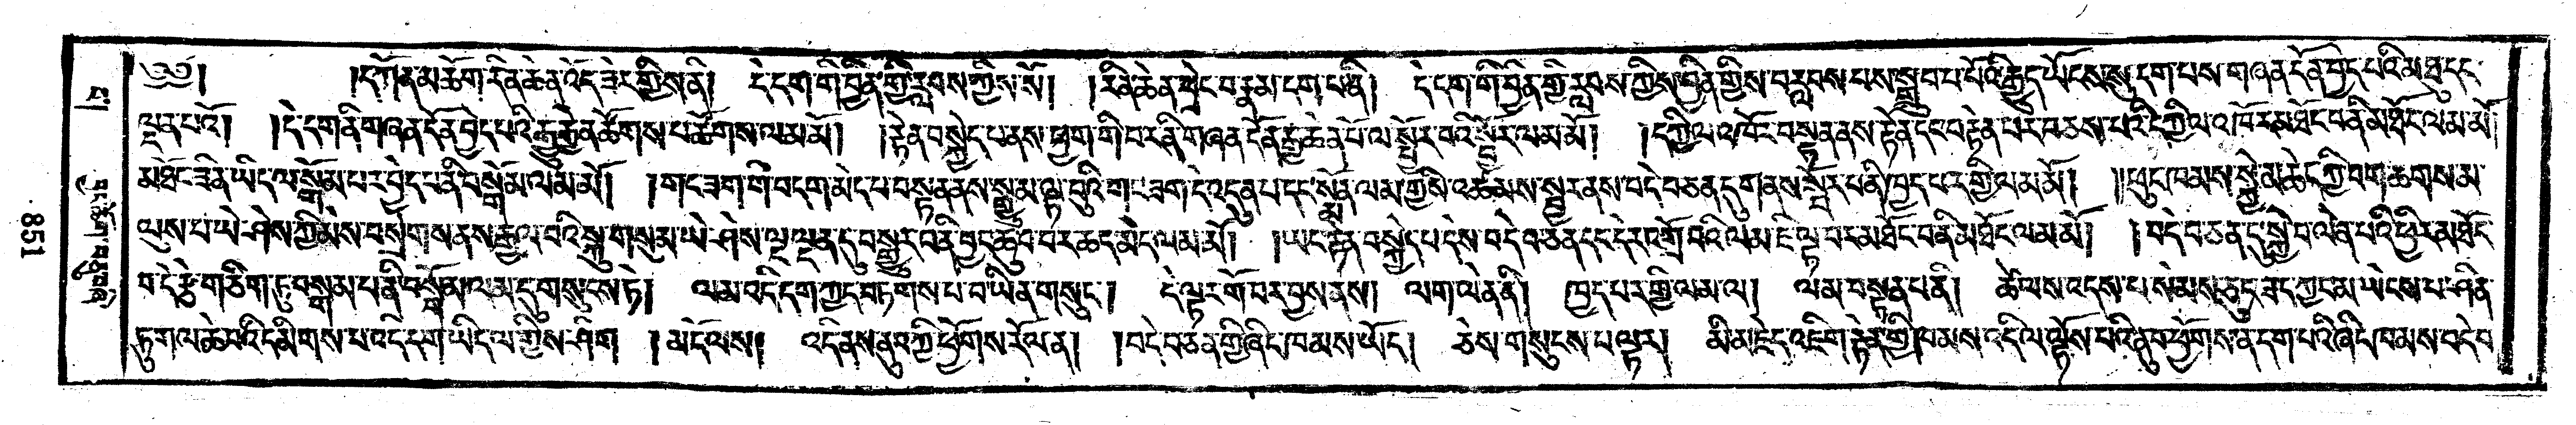༄༅། །དཀོན་མཆོག་རིན་ཆེན་འོད་ཟེར་གྱིས་ནི། དེ་དག་གི་བྱིན་གྱི་རླབས་ཀྱིས་སོ། །རིན་ཆེན་ཕྲེང་བ་རྣམ་དག་པ་ནི། དེ་དག་གི་བྱིན་གྱི་རླབས་ཀྱིས་བྱིན་གྱིས་བརླབས་པས་སྒྲུབ་པ་པོའི་རྒྱུད་ཡོངས་སུ་དག་པས་གཞན་དོན་བྱེད་པའི་མཐུ་དང་
ལྡན་པའོ། །དེ་དག་ནི་གཞན་དོན་བྱེད་པའི་རྒྱུ་རྒྱེན་ཚོགས་པ་ཚོགས་ལམ་མོ། །རྟེན་བསྐྱེད་པ་ནས་ཕྱག་གི་བར་ནི་གཞན་དོན་རྒྱ་ཆེན་པོ་ལ་སྦྱོར་བའི་སྦྱོར་ལམ་མོ། །དཀྱིལ་འཁོར་བསྟན་ནས་རྟེན་དང་བརྟེན་པར་བཅས་པའི་དཀྱིལ་འཁོར་མཐོང་བ་ནི་མཐོང་ལམ་མོ།
མཐོང་ཟིན་ཡིད་ལ་སྒོམ་པར་བྱེད་པ་ནི་བསྒོམ་ལམ་མོ། །གང་ཟག་གི་བདག་མེད་པ་བསྟན་ནས་སྒྱུ་མ་ལྟ་བུའི་གང་ཟག་དེ་འདུན་པ་དང་སྨོན་ལམ་གྱིས་འཚམས་སྦྱར་ནས་བདེ་བ་ཅན་དུ་གནས་སྤོར་བ་ནི་ཁྱད་པར་གྱི་ལམ་མོ། །ཕུང་ཁམས་སྐྱེ་མཆེད་ཀྱི་བག་ཆགས་མ་
ལུས་པ་ཡེ་ཤེས་ཀྱི་མེས་བསྲེགས་ནས་རྒྱལ་བའི་སྐུ་གསུམ་ཡེ་ཤེས་ལྔ་ལྡན་དུ་བསྒྱུར་བ་ནི་བྱང་ཆུབ་བར་ཆད་མེད་ལམ་མོ། །ཡང་རྟེན་བསྐྱེད་པ་དེས་བདེ་བ་ཅན་དང་དེར་འགྲོ་བའི་ལམ་ཇི་ལྟ་བར་མཐོང་བ་ནི་མཐོང་ལམ་མོ། །བདེ་བ་ཅན་དུ་སྐྱེ་བ་ལེན་པའི་ཕྱིར་མཐོང་
བ་དེ་རྩེ་གཅིག་ཏུ་བསྒམ་པ་ནི་བསྒོམ་ལམ་དུ་གསུངས་ཏེ། ལམ་འདི་དག་ཀྱང་བཏགས་པ་བ་ཡིན་གསུང་། དེ་ལྟར་གོ་བར་བྱས་ནས། ལག་ལེན་ནི། ཁྱད་པར་གྱི་ལམ་ལ། ལམ་བསྟན་པ་ནི། ཚེ་ལས་འདས་པ་སེམས་ཅུང་ཟད་ཀྱང་མ་ཡེངས་པ་ཤིན་
ཏུ་གལ་ཆེ་བའི་དམིགས་པ་འདི་དག་ཡིད་ལ་གྱིས་ཤིག །མདོ་ལས། འདི་ནས་ནུབ་ཀྱི་ཕྱོགས་རོལ་ན། །བདེ་བ་ཅན་གྱི་ཞིང་ཁམས་ཡོད། ཅེས་གསུངས་པ་ལྟར། མི་མཇེད་འཇིག་རྟེན་གྱི་ཁམས་འདི་ལ་ལྟོས་པའི་ནུབ་ཕྱོགས་ན་དག་པའི་ཞིང་ཁམས་བདེ་བ་